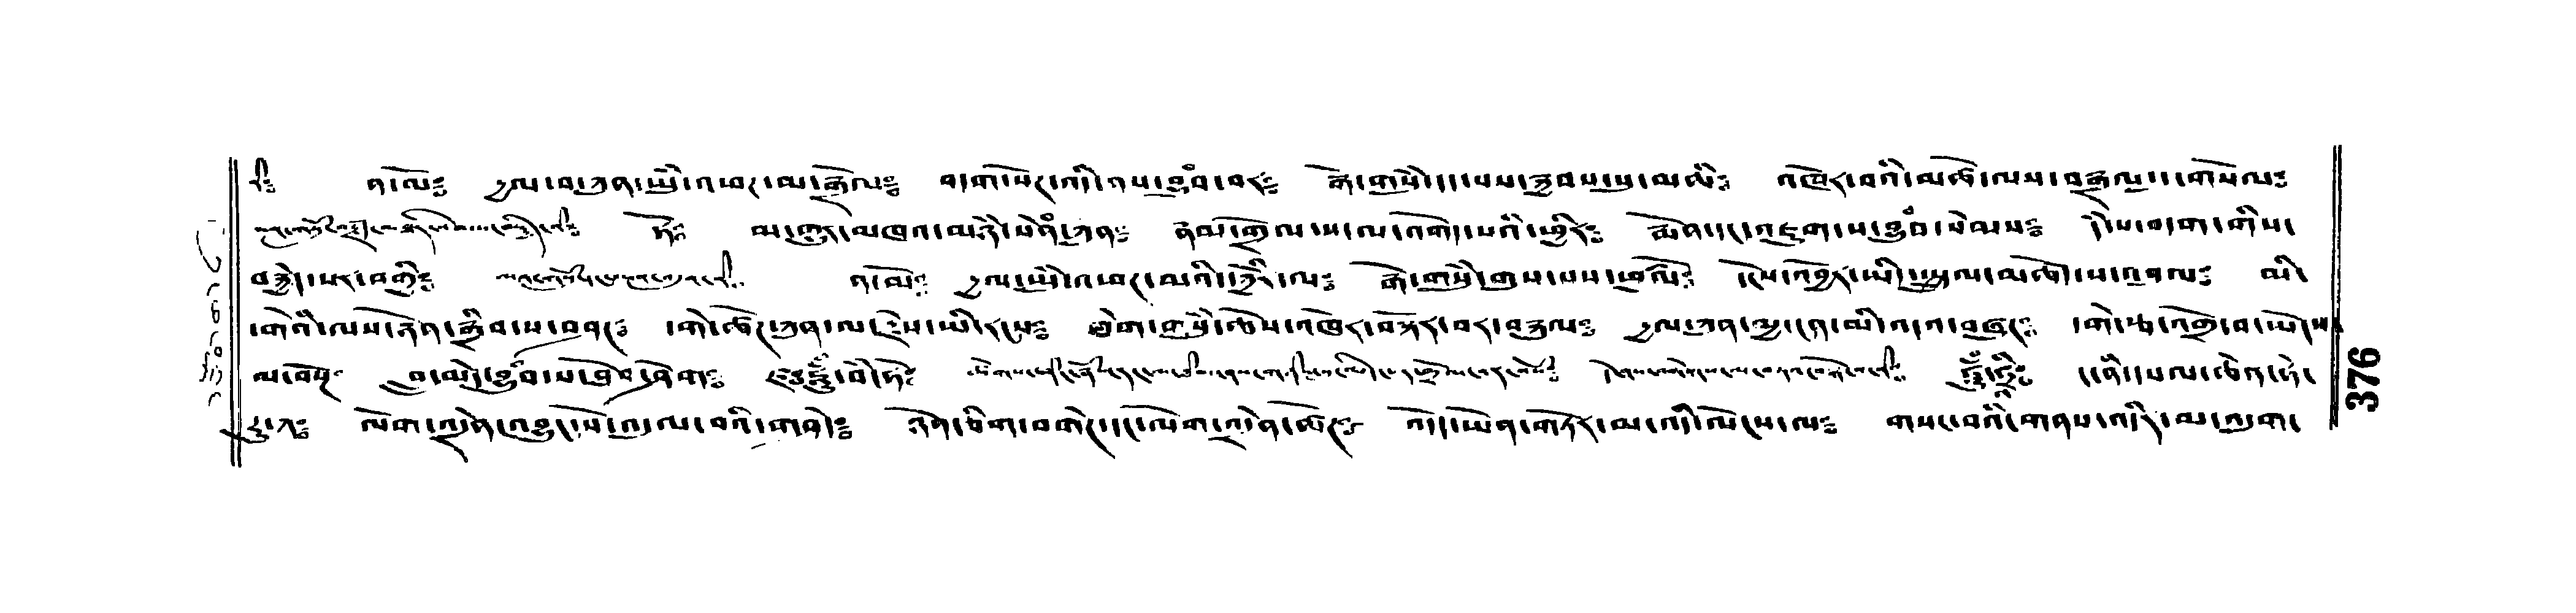ནི༔ ན་མོ༔ རྒྱལ་བ་ཀུན་ཡུམ་འཕགས་མ་སྒྲོལ༔ བདག་སོགས་འདི་ནས་བྱང་ཆུབ་བར༔ སྒོ་གསུམ་དད་པས་སྐྱབས་སུ་མཆི༔ འཁོར་བའི་མཚོ་ལས་བསྒྲལ་དུ་གསོལ༔་
ལན་གསུམ་བརྗོད་མཐར་སེམས་བསྐྱེད་ནི༔ ཧོཿ མ་གྱུར་མཁའ་མཉམ་སེམས་ཅན་ཀུན༔ རྣམ་གྲོལ་ས་ལ་འགོད་པའི་ཕྱིར༔ སྨོན་དང་འཇུག་པ་བྱང་ཆུབ་སེམས༔ དམ་པ་བདག་གིས་
བསྐྱེད་པར་བགྱི༔ ལན་གསུམ་དང་ཡན་བདུན་ནི༔ ན་མོཿ རྒྱལ་ཡུམ་འཕགས་མའི་དཀྱིལ་འཁོར་ལ༔ སྒོ་གསུམ་གུས་པས་ཕྱག་འཚལ་ལོ༔ དངོས་འབྱོར་ཡིད་སྤྲུལ་མཆོད་པ་འབུལ༔ མི་
དགེའི་ལས་ཉོན་སྒྲིབ་པ་བཤགས༔ དགེ་ཚོགས་ཀུན་ལ་རྗེས་ཡི་རངས༔ ཐེག་གསུམ་ཆོས་འཁོར་བསྐོར་བར་བསྐུལ༔ རྒྱལ་ཀུན་མྱ་ངན་མི་འདའ་བཞུགས༔དགེ་རྩ་འགྲོ་བ་ཡོངས་
ལ་བསྔོ༔ བླ་མེད་བྱང་ཆུབ་ས་ཐོབ་ཤོག༔ ཛཿཧཱུྃ་བཾ་ཧོཿ ཚོགས་ཞིང་རྣམས་རང་ལ་ཐིམ་ནས་གཉིས་སུ་མེད་པར་གྲོལ་བར་བསམ༔ དེ་ནས་བགེགས་ལ་བཀའ་བསྒོ་བ་ནི༔ ཧཱུྃ་ཧྲཱིཿ ང་ནི་དཔལ་ཆེན་ཧེ་
རུ་ཀ༔ ལོག་འདྲེན་འབྱུང་པོ་འདུལ་བའི་གཤེད༔ ཉོན་ཅིག་བགེགས་དང་ལོག་འདྲེན་ཚོགས༔ འདོད་ཡོན་གཏོར་མ་འདི་ལོངས་ལ༔ གསང་བའི་གནས་འདིར་མ་འདུག་